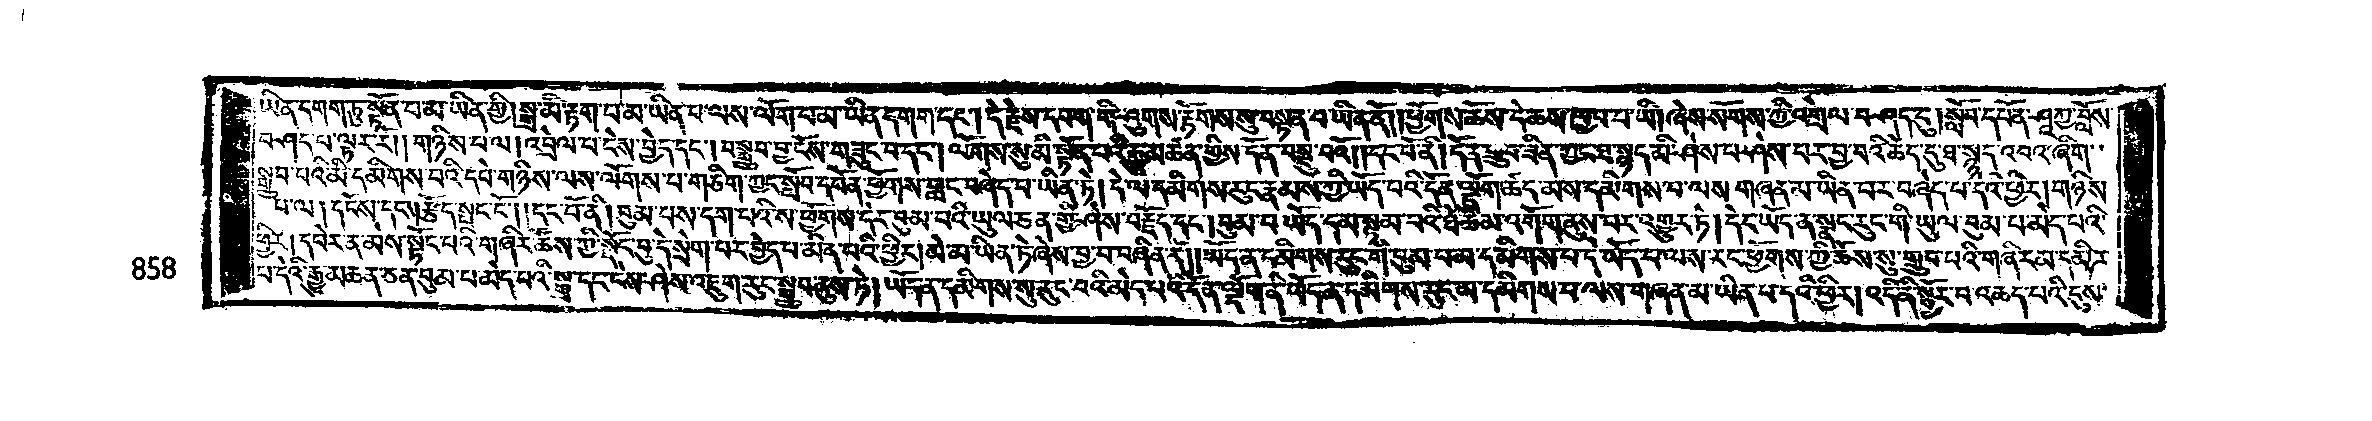ཡིན་དགག་ཏུ་སྟོན་པ་མ་ཡིན་གྱི། སྒྲ་མི་རྟག་པ་མ་ཡིན་པ་ལས་ལོག་པ་མ་ཡིན་དགག་དང་། དེ་རྗེས་དཔག་གི་ཤུགས་རྟོགས་སུ་བསྟན་པ་ཡིན་ནོ། །ཕྱོགས་ཆོས་དེ་ཆས་ཁྱབ་པ་ཡི། ཞེས་སོགས་ཀྱི་འགྲེལ་བཤད་དུ། སློབ་དཔོན་ཤཱ་ཀྱ་བློས་
བཤད་པ་ལྟར་རོ། །གཉིས་པ་ལ། འབྲེལ་པ་ངེས་བྱེད་དང་། བསྒྲུབ་བྱ་ངོས་གཟུང་བ་དང་། ལོགས་སུ་མི་སྟོན་པའི་རྒྱུ་མཚན་གྱིས་དོན་བསྡུ་བའོ། །དང་པོ་ནི། དོན་གྲུབ་ཟིན་ཀྱང་ཐ་སྙད་མི་ཤེས་པ་ཤེས་པར་བྱ་བའི་ཆེད་དུ་ཐ་སྙད་འབའ་ཞིག་
སྒྲུབ་པའི་མི་དམིགས་པའི་དཔེ་གཉིས་ལས་ལོགས་པ་གཅིག་ཀྱང་སློབ་དཔོན་ཕྱོགས་གླང་བཞེད་པ་ཡིན་ཏེ། དེ་ལ་དམིགས་རུང་རྣམས་ཀྱི་ཡོད་པའི་དོན་ལྡོག་ཚད་མས་དམིགས་པ་ལས་གཞན་མ་ཡིན་པར་བཞེད་པ་དེའི་ཕྱིར། གཉིས་
པ་ལ། དངོས་དང་། རྩོད་སྤང་ངོ། །དང་པོ་ནི། བུམ་པས་དག་པའི་ས་ཕྱོགས་དེར་བུམ་པའི་ཡུལ་ཅན་གྱི་ཤེས་བརྗོད་དང་། བུམ་པ་ཡོད་དམ་སྙམ་པའི་ཐེ་ཚོམ་འགོག་ནུས་པར་འགྱུར་ཏེ། དེར་ཡོད་ན་སྣང་རུང་གི་ཡུལ་བུམ་པ་མེད་པའི་
ཕྱིར། དཔེར་ན་མེས་སྟོང་པའི་གཞིར་ཚོས་ཀྱི་སྡོང་བུ་དེ་སྲེག་པར་བྱེད་པ་མིན་པའི་ཕྱིར། མེ་མ་ཡིན་ཏེ་ཞེས་བྱ་བ་བཞིན་ནོ། །ཡོད་ན་དམིགས་རུང་གི་བུམ་པ་མ་དམིགས་པ་དེ་ཡོད་པ་ལས་རང་ཕྱོགས་ཀྱི་ཆོས་སུ་གྲུབ་པའི་གཞིར་མ་དམིཌ་
པ་དེའི་རྒྱུ་མཚན་ཅན་བུམ་པ་མེད་པའི་སྒྲ་དང་ངེས་ཤེས་འཇུག་རུང་སྒྲུབ་ནུས་ཏེ། ཡོད་ན་དམིགས་སུ་རུང་བའི་མེད་པའི་དོན་ལྡོག་ནི་ཡོད་ན་དམིགས་རུང་མ་དམིགས་པ་ལས་གཞན་མ་ཡིན་པ་དེའི་ཕྱིར། འདི་ནི་སྦྱོར་བ་འཚད་པའི་དུས་